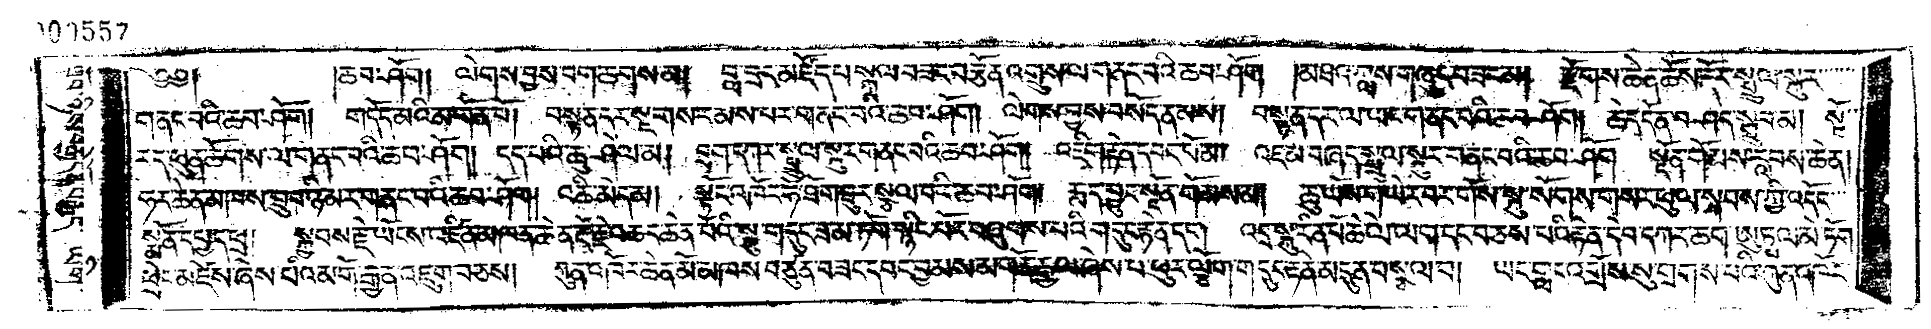༄༅། །ཆབ་ཤོག། ལེགས་བྱས་བག་ཆགས་མ། བླ་བྲང་མཛོད་པ་སྐལ་བཟང་བརྩོན་འགྲུས་ལ་གནང་བའི་ཆབ་ཤོག །མཐའ་ཀླས་གཞུང་བཟང་མ། རྫོགས་ཆེན་ཆོས་རྡོར་སྤྲུལ་སྐུར་
གནང་བའི་ཆབ་ཤོག། གདོད་མའི་མགོན་པོ། བསྟན་དར་སྔགས་རམས་པར་གནང་བའི་ཆབ་ཤོག། ལེགས་བྱས་བསོད་ནམས། བསྟན་དར་ལ་ཡང་གནང་བའི་ཆབ་ཤོག། ཆེད་དོན་བཤད་སྒྲུབ་མ། སྤོ་
རད་ཕུན་ཚོགས་ལ་གནང་བའི་ཆབ་ཤོག། དད་པའི་ཆུ་ཤེལ་མ། བྲག་དཀར་སྤྲུལ་སྐུར་གནང་བའི་ཆབ་ཤོག། འཇིག་རྟེན་དབང་པོ་མ། འཇམ་བཞད་སྤྲུལ་སྐུར་གནང་བའི་ཆབ་ཤོག །སྔོན་གོམས་རླབས་ཆེན།
ཧར་ཆེན་མཁས་གྲུབ་ཉི་མར་གནང་བའི་ཆབ་ཤོག། འཆི་མེད་མ། སྟོང་འཁོར་ཧོ་ཐོག་ཐུར་སྩལ་བའི་ཆབ་ཤོག། རྨད་བྱུང་སྔོན་གོམས་མ། ཆུ་ཡོས་གཡེར་བར་གོས་སྐུ་སོགས་གསར་ཕུལ་སྐབས་ཀྱི་འདོད་
སྨོན་དཔྱད་ཕྲ། སྐྱབས་རྗེ་ཡོངས་འཛིན་མཁན་ཆེན་རྡོ་རྗེ་འཆང་ཆེན་པོའི་སྐུ་གདུང་ཟ་མ་ཏོག་སྙིང་པོར་བཞུགས་པའི་གདུང་རྟེན་དང་། འདྲ་སྐུ་རིན་པོ་ཆེ་ལེ་ལག་དང་བཅས་པའི་རྟེན་དེབ་དཀར་ཆག་ཨུཏྤལ་མེ་ཏོག་
ཕྲེང་མཛེས་ཞེས་པའི་མགོ་རྒྱན་འཇུག་བཅས། ཀུན་འཁོར་ཆེན་མོ་མཁས་བཙུན་བཟང་དབང་བྱམས་མགོན་རྒྱལ་ཞེས་པ་ཕུར་ལྕོག་གདུང་རྟེན་མདུན་བསྩལ་བ། ཡང་གླང་འགྲོས་སུ་གྲགས་པའི་ཀུན་འཁོར་